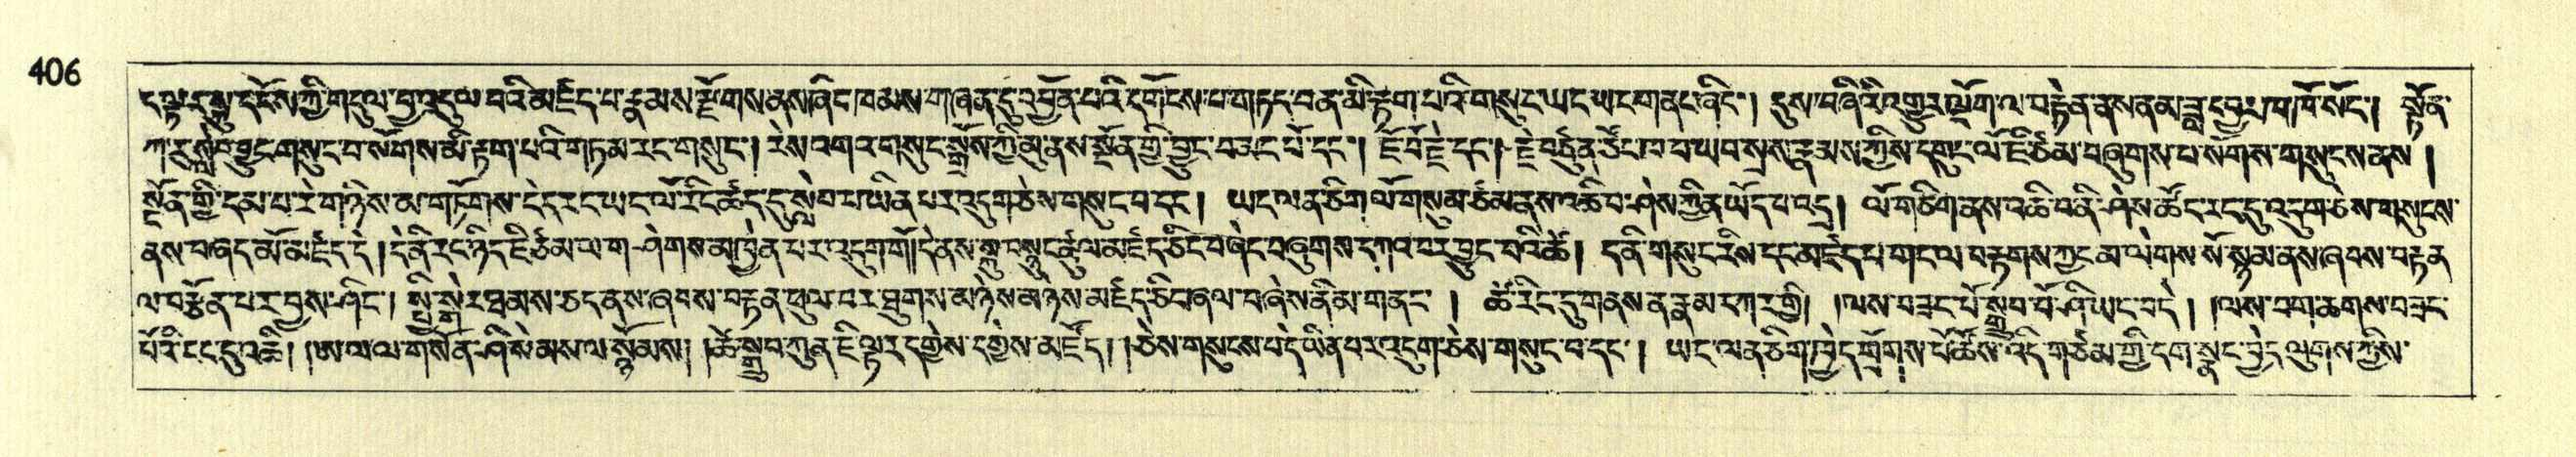ད་ལྟར་སྐུ་དངོས་ཀྱི་གདུལ་བྱ་འདུལ་བའི་མཛད་པ་རྣམས་རྫོགས་ནས་ཞིང་ཁམས་གཞན་དུ་འབྱོན་པའི་དགོངས་པ་གཏད་བན་མི་རྟག་པའི་གསུང་ཡང་ཡང་གནང་ཞིང་། དུས་བཞིའི་འགྱུར་ལྡོག་ལ་བརྟེན་ནས་ནམ་ཟླ་དབྱར་ཁ་ཁོ་སོང་། སྟོན་
ཀ་རུ་སླེབ་བྱུང་གསུང་བ་སོགས་མི་རྟག་པའི་གཏམ་རང་གསུང་། རེས་འགའ་གསུང་སྒྲོས་ཀྱི་མུ་ནས་སྔོན་གྱི་བྱུང་བ་མང་པོ་དང་། ཇོ་བོ་རྗེ་དང་། རྗེ་བཙུན་ཙོང་ཁ་བ་ཡབ་སྲས་རྣམས་ཀྱིས་དགུང་ལོ་ཇི་ཙམ་བཞུགས་པ་སོགས་གསུངས་ནས་།
སྔོན་གྱི་དམ་པ་རེ་གཉིས་མ་གཏོགས་ངེད་རང་ཡང་ལོ་རིང་ཚད་དུ་སླེབ་པ་ཡིན་པར་འདུག་ཅེས་གསུང་བ་དང་། ཡང་ལན་ཅིག་ལོ་གསུམ་ཙམ་ནས་འཆི་བ་ཤེས་ཀྱིན་ཡོད་པ་འདྲ། ལོ་གཅིག་ནས་འཆི་བ་ནི་ཤེས་ཚོད་རང་དུ་འདུག་ཅེས་གསུངས་
ནས་བཞད་མོ་མཛད་དེ་།དེ་ནི་རང་ཉིད་ཇི་ཙམ་ལ་གཤེགས་མཁྱེན་པར་འདུག་གོ། དེ་ནས་སྐུ་བསྙུང་ཚུལ་མཛད་ཅིང་བཞེང་བཞུགས་དཀའ་བར་བྱུང་བའི་ཚེ། ད་ནི་གསུང་རིས་དང་མཛད་པ་གང་ལ་བརྟགས་ཀྱང་མ་ལེགས་སོ་སྙམ་ནས་ཞབས་བརྟན་
ལ་བརྩོན་པར་བྱས་ཤིང་། སྤྱི་སྒེར་ཐམས་ཅད་ནས་ཞབས་བརྟན་ཕུལ་བར་ཐུགས་མཉེས་མཉེས་མཛད་ཅིང་ཞལ་བཞེས་ནི་མ་གནང་། ཚེ་རིང་དུ་གནས་ན་རྣམ་དཀར་གྱི། །ལས་བཟང་པོ་སྒྲུབ་པོ་ཤི་ཡང་བདེ། །ལས་བག་ཆགས་བཟང་
པོའི་དང་དུ་འཆི། །ཨ་ལ་ལ་གསོན་ཤི་སེམས་ལ་སྙོམས། །ཚེ་སྒྲུབ་ཀུན་ཇི་ལྟར་དགྱེས་དགྱེས་མཛོད། །ཅེས་གསུངས་པ་དེ་ཡིན་པར་འདུག་ཅེས་གསུང་བ་དང་། ཡང་ལན་ཅིག་ཁྱེད་གྲོགས་པོ་ཚོས་འདི་གཙམ་གྱི་དག་སྣང་བྱེད་ལུགས་ཀྱིས་